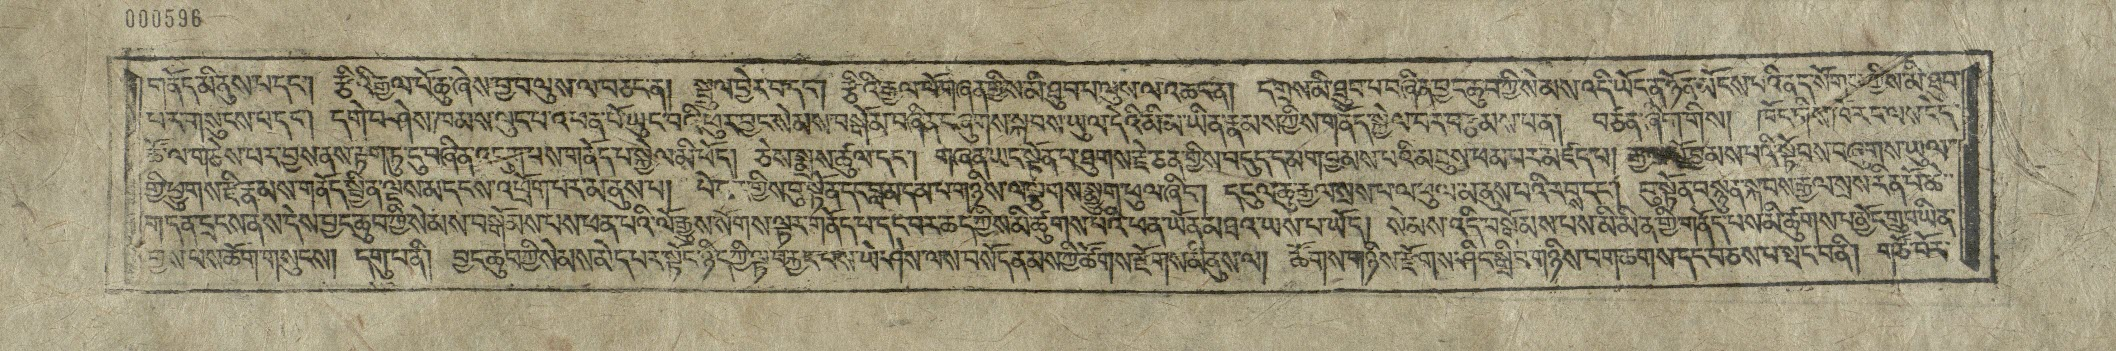གནོད་མི་ནུས་པ་དང་། རྩིའི་རྒྱལ་པོ་ཆུ་ཞེས་བྱ་བ་ལུས་ལ་བཅང་ན། སྦྲུལ་བྱེར་བ་དང་། རྩིའི་རྒྱལ་པོ་གཞན་གྱིས་མི་ཐུབ་པ་ལུས་ལ་འཆང་ན། དགྲས་མི་ཐུབ་པ་བཞིན་བྱང་ཆུབ་ཀྱི་སེམས་འདི་ཡོད་ན་ཉོན་མོངས་པའི་ནད་སོགས་ཀྱིས་མི་ཐུབ་
པར་གསུངས་པ་དང་། དགེ་བཤེས་ཁམས་ལུང་པ་འཕན་པོ་ཡུང་བའི་ཕུར་བྱང་སེམས་བསྒོམ་བཞིན་བཞུགས་སྐབས་ཡུལ་དེའི་མི་མ་ཡིན་རྣམས་ཀྱིས་གནོད་སྐྱེལ་བར་བརྩམས་པ་ན། བཙན་ཞིག་གིས། ཁོང་གིས་ཁོ་རང་ལས་ངེད་
ཚོ་ལ་གཅེས་པར་བྱས་ནས་རྟག་ཏུ་དུ་བཞིན་འདུག་པས་གནོད་པ་སྐྱེལ་མི་ཕོད། ཅེས་སྨྲས་ཚུལ་དང་། གཞན་ཡང་སྟོན་པ་ཐུགས་རྗེ་ཅན་གྱིས་བདུད་དམག་བྱམས་པའི་མཐུས་ཕམ་པར་མཛད་པ། རྒྱལ་པོ་བྱམས་པའི་སྟོབས་བཞུགས་ཡུལ་
གྱི་ཕྱུགས་རྫི་རྣམས་གནོད་སྦྱིན་ལྔས་མདངས་འཕྲོག་པར་མ་ནུས་པ། པེ་ཧར་གྱིས་བུ་སྟོན་དང་བླ་མ་དམ་པ་གཉིས་ལ་ལྕགས་སྨྱུག་ཕུལ་ཞིང་། དངུལ་ཆུ་རྒྱལ་སྲས་པ་ལ་ཕུལ་མ་ནུས་པའི་རབས་དང་། བུ་སྟོན་བསྙུན་སྐབས་རྒྱལ་སྲས་རིན་པོ་ཆེ་
གདན་དྲངས་ནས་དེས་བྱང་ཆུབ་ཀྱི་སེམས་བསྒོམས་པས་ཕན་པའི་ལོ་རྒྱུས་སོགས་ལྟར་གནོད་པ་དང་བར་ཆད་ཀྱིས་མི་ཚུགས་པའི་ཕན་ཡོན་མཐའ་ཡས་པ་ཡོད། སེམས་འདི་བསྒོམས་པས་མི་མིན་གྱི་གནོད་པས་མི་ཚུགས་པ་མྱོང་གྲུབ་ཡིན་
བྱས་པས་ཆོག་གསུངས། དགུ་པ་ནི། བྱང་ཆུབ་ཀྱི་སེམས་མེད་པར་སྟོང་ཉིད་ཀྱི་ལྟ་བ་རྐྱང་པས་ཡེ་ཤེས་ལས་བསོད་ནམས་ཀྱི་ཚོགས་རྫོགས་མི་ནུས་ལ། ཚོགས་གཉིས་རྫོགས་ཤིང་སྒྲིབ་གཉིས་བག་ཆགས་དང་བཅས་པ་སྤང་བ་ནི། གཙོ་བོར་